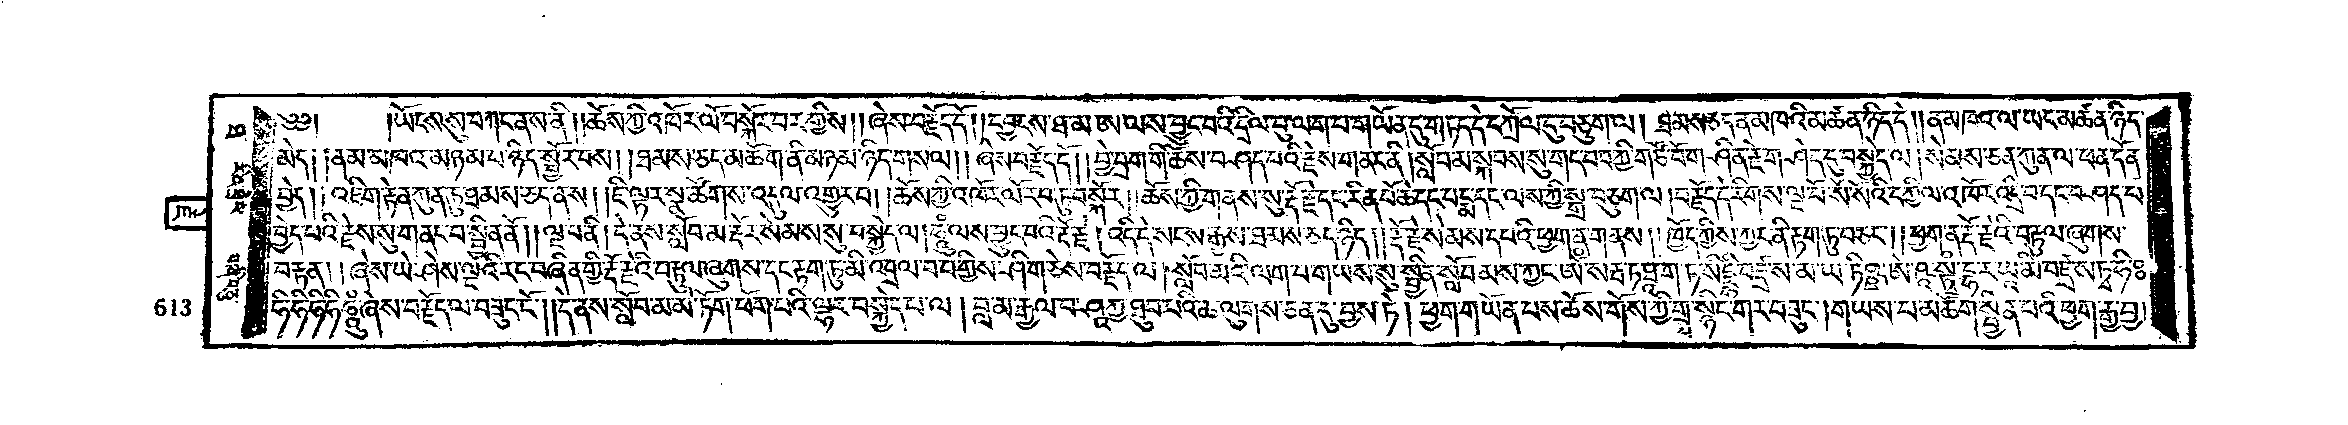༄༅། །ཡོངས་སུ་བཀང་ནས་ནི། །ཆོས་ཀྱི་འཁོར་ལོ་བསྐོར་བར་གྱིས། །ཞེས་བརྗོད་དོ། །དབྱངས་ཐ་མ་ཨ་ལས་བྱུང་བའི་དྲིལ་བུ་ལག་པ་གཡོན་དུ་གཏད་དེ་དཀྲོལ་དུ་བཅུག་ལ། ཐམས་ཅད་ནམ་མཁའི་མཚན་ཉིད་དེ། །ནམ་མཁའ་ལ་ཡང་མཚན་ཉིད་
མེད། །ནམ་མཁའ་མཉམ་པ་ཉིད་སྦྱོར་བས། །ཐམས་ཅད་མཆོག་ནི་མཉམ་ཉིད་གསལ། །ཞེས་བརྗོད་དོ། །བྱེ་བྲག་གི་ཆོས་བཤད་པའི་རྗེས་གནང་ནི། སློབ་མ་སྐབས་སུ་གང་བབ་ཀྱི་གཙོ་བོ་གཤིན་རྗེ་གཤེད་དུ་བསྐྱེད་ལ། སེམས་ཅན་ཀུན་ལ་ཕན་དོན་
བྱེད། །འཇིག་རྟེན་ཀུན་ཏུ་ཐམས་ཅད་ནས། །ཇི་ལྟར་སྣ་ཚོགས་འདུལ་འགྱུར་བ། །ཆོས་ཀྱི་འཁོར་ལོ་རབ་ཏུ་བསྐོར། །ཆོས་ཀྱི་གནས་སུ་རྡོ་རྗེ་དང་རིན་པོ་ཆེ་དང་པདམ་དང་ལས་ཀྱི་སྒྲ་བཅུག་ལ། བརྗོད་དེ་རིགས་ལྔ་པོ་སོ་སོའི་དཀྱིལ་འཁོར་འདྲི་བ་དང་བཤད་པ་
བྱེད་པའི་རྗེས་སུ་གནང་པ་སྦྱིན་ནོ། །ལྔ་པ་ནི། དེ་ནས་སློབ་མ་རྡོར་སེམས་སུ་བསྐྱེད་ལ། ཧཱུཾ་ལས་བྱུང་བའི་རྡོ་རྗེ། འདི་དེ་སངས་རྒྱས་ཐམས་ཅད་ཉིད། །རྡོ་རྗེ་སེམས་དཔའི་ཕྱག་ན་གནས། །ཁྱོད་ཀྱིས་ཀྱང་ནི་རྟག་ཏུ་བཅང་། །ཕྱག་ན་རྡོ་རྗེའི་བརྟུལ་ཞུགས་
བརྟན། །ཞེས་ཡེ་ཤེས་ལྔའི་རང་བཞིན་གྱི་རྡོ་རྗེའི་བརྟུལ་ཞུགས་དང་རྟག་ཏུ་མི་འབྲལ་བ་བགྱིས་ཤིག་ཅེས་བརྗོད་ལ། སློབ་མའི་ལག་པ་གཡས་སུ་སྦྱིན་སློབ་མས་ཀྱང་ཨོཾ་སརྦ་ཏ་ཐཱ་ག་ཏ་སིདྡྷི་བཛྲ་ས་མ་ཡ་ཏིཥཊཿཨ་ཨེ་ཥཱ་སྟྭཾ་དྷ་ར་ཡཱ་མི་བཛྲས་ཏྭ་ཧིཿ
ཧི་ཧི་ཧི་ཧི་ཧཱུཾ་ཞེས་བརྗོད་ལ་བཟུང་ངོ། །དེ་ནས་སློབ་མ་མེ་ཏོག་ཕོག་པའི་ལྷར་བསྐྱེད་པ་ལ། བླ་མ་རྒྱལ་བ་ཤཱཀྱ་ཐུབ་པའི་ཆ་ལུགས་ཅན་དུ་བྱས་ཏེ། ཕྱག་གཡོན་པས་ཆོས་གོས་ཀྱི་གྲྭ་སྙིང་གར་བཟུང་། གཡས་པ་མཆོག་སྦྱིན་པའི་ཕྱག་རྒྱ་བྱ།